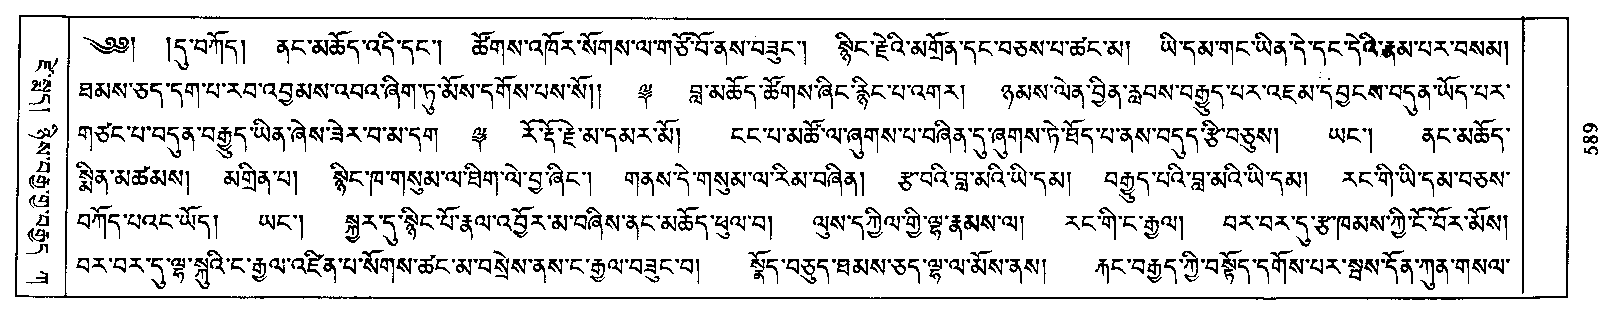༄༅། །དུ་བཀོད། ནང་མཆོད་འདི་དང་། ཚོགས་འཁོར་སོགས་ལ་གཙོ་བོ་ནས་བཟུང་། སྙིང་རྗེའི་མགྲོན་དང་བཅས་པ་ཚང་མ། ཡི་དམ་གང་ཡིན་དེ་དང་དེའི་རྣམ་པར་བསམ།
ཐམས་ཅད་དག་པ་རབ་འབྱམས་འབའ་ཞིག་ཏུ་མོས་དགོས་པས་སོ།། ༈ བླ་མཆོད་ཚོགས་ཞིང་རྙིང་པ་འགར། ཉམས་ལེན་བྱིན་རླབས་བརྒྱུད་པར་འཇམ་དབྱངས་བདུན་ཡོད་པར་
གཙང་པ་བདུན་བརྒྱུད་ཡིན་ཞེས་ཟེར་བ་མ་དག ༈ རོ་རྡོ་རྗེ་མ་དམར་མོ། ངང་པ་མཚོ་ལ་ཞུགས་པ་བཞིན་དུ་ཞུགས་ཏེ་ཐོད་པ་ནས་བདུད་རྩི་བཅུས། ཡང་། ནང་མཆོད་
སྨིན་མཚམས། མགྲིན་པ། སྙིང་ཁ་གསུམ་ལ་ཐིག་ལེ་བྱ་ཞིང་། གནས་དེ་གསུམ་ལ་རིམ་བཞིན། རྩ་བའི་བླ་མའི་ཡི་དམ། བརྒྱུད་པའི་བླ་མའི་ཡི་དམ། རང་གི་ཡི་དམ་བཅས་
བཀོད་པའང་ཡོད། ཡང་། སྐྱར་དུ་སྙིང་པོ་རྣལ་འབྱོར་མ་བཞིས་ནང་མཆོད་ཕུལ་བ། ལུས་དཀྱིལ་གྱི་ལྷ་རྣམས་ལ། རང་གི་ང་རྒྱལ། བར་བར་དུ་རྩ་ཁམས་ཀྱི་ངོ་བོར་མོས།
བར་བར་དུ་ལྷ་སྐུའི་ང་རྒྱལ་འཛིན་པ་སོགས་ཚང་མ་བསྲེས་ནས་ང་རྒྱལ་བཟུང་བ། སྣོད་བཅུད་ཐམས་ཅད་ལྷ་ལ་མོས་ནས། རྐང་བརྒྱད་ཀྱི་བསྟོད་དགོས་པར་སྦས་དོན་ཀུན་གསལ་